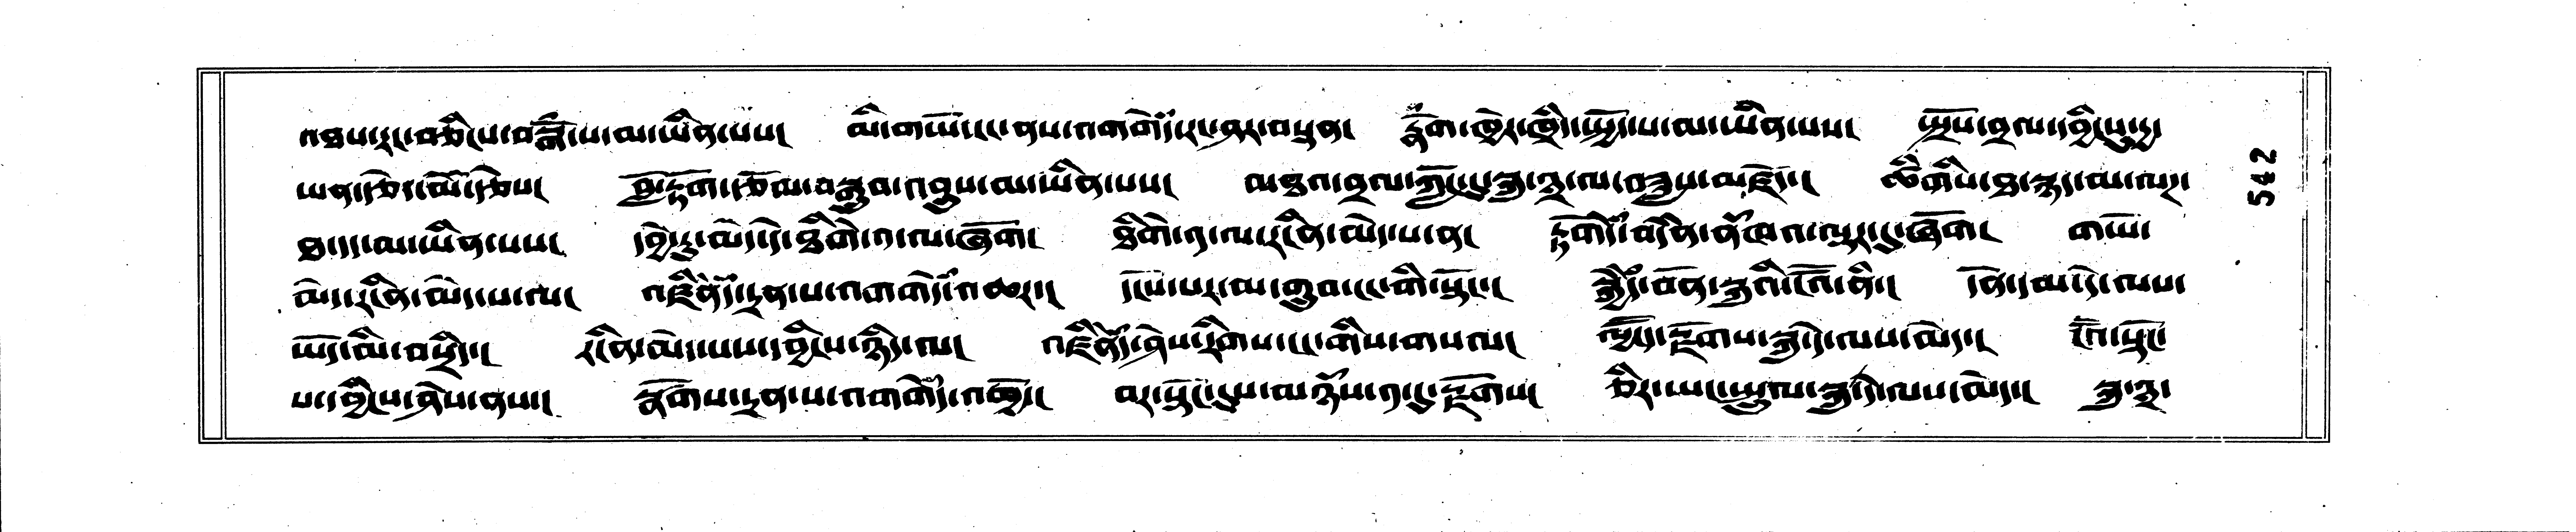འཐས་རང་བཅིང་སྒོམ་པ་མ་ཡིན་པས། མི་གཡོ་ངང་ནས་གྷག་(འགག)མེད་རང་ཤར་བསྟན། རྣམ་རྟོག་ཁྱེར་ཁྲིད་སྤྱོད་པ་མ་ཡིན་པས། སྤྲོས་བྲལ་དབྱིངས་སུ་རྒྱ་
ཡན་རྩད་མོ་རྩེས། བློ་རྟོག་རྩོལ་བསྒྲུབ་འབྲས་བུ་མ་ཡིན་པས། མཐའ་བྲལ་ཀློང་དུ་སྐུ་གསུམ་ལ་བཟླའ་མཛོད། ཚིག་གིས་ཐ་སྙད་མ་ལགས་
ཐ་དད་མ་ཡིན་པས། བྱ་རྒྱུ་མེད་དེ་ཐིག་ལེ་ཅིག་ལ་ཞོག ཐིག་ལེ་ཅིག་ལ་རང་བཞིན་མེད་པས་ན། རྟོག་མེད་བདེ་ཆེན་ནམ་མཁའ་ལྟར་དུ་ཞོག གཡོ་
མེད་རང་བཞིན་མེད་པ་ལ། འཛིན་མེད་དྲན་པ་གྷག་(འགག)མེད་ཤར། དངོས་པོ་མ་གྲུབ་ངང་གི་སྟོང་། སྐྱེ་མེད་བོན་སྐུའི་ངོའོ་ནི། དོན་དམ་དེ་ལས་
ཡོད་མི་སྲིད། རང་བཞིན་མེད་པའི་དབྱིངས་ཉིད་ལ། འཛིན་མེད་ཤེས་རིག་ངང་གི་གསལ། ལོངས་སྤྱོད་རྫོགས་སྐུ་དེ་ལས་མེད། ངོའོ་སྟོང་
པའི་དབྱིངས་ཤེས་ནས། སྣ་ཚོགས་དྲན་པ་འགག་མེད་འཕྱོ། བར་སྣང་ཆོ་འཕྲུལ་དུས་མིག་ཅིག་དུ་རྫོགས། ཅིར་ཡང་སྤྲུལ་སྐུ་དེ་ལས་མེད། སྐུ་གསུམ་